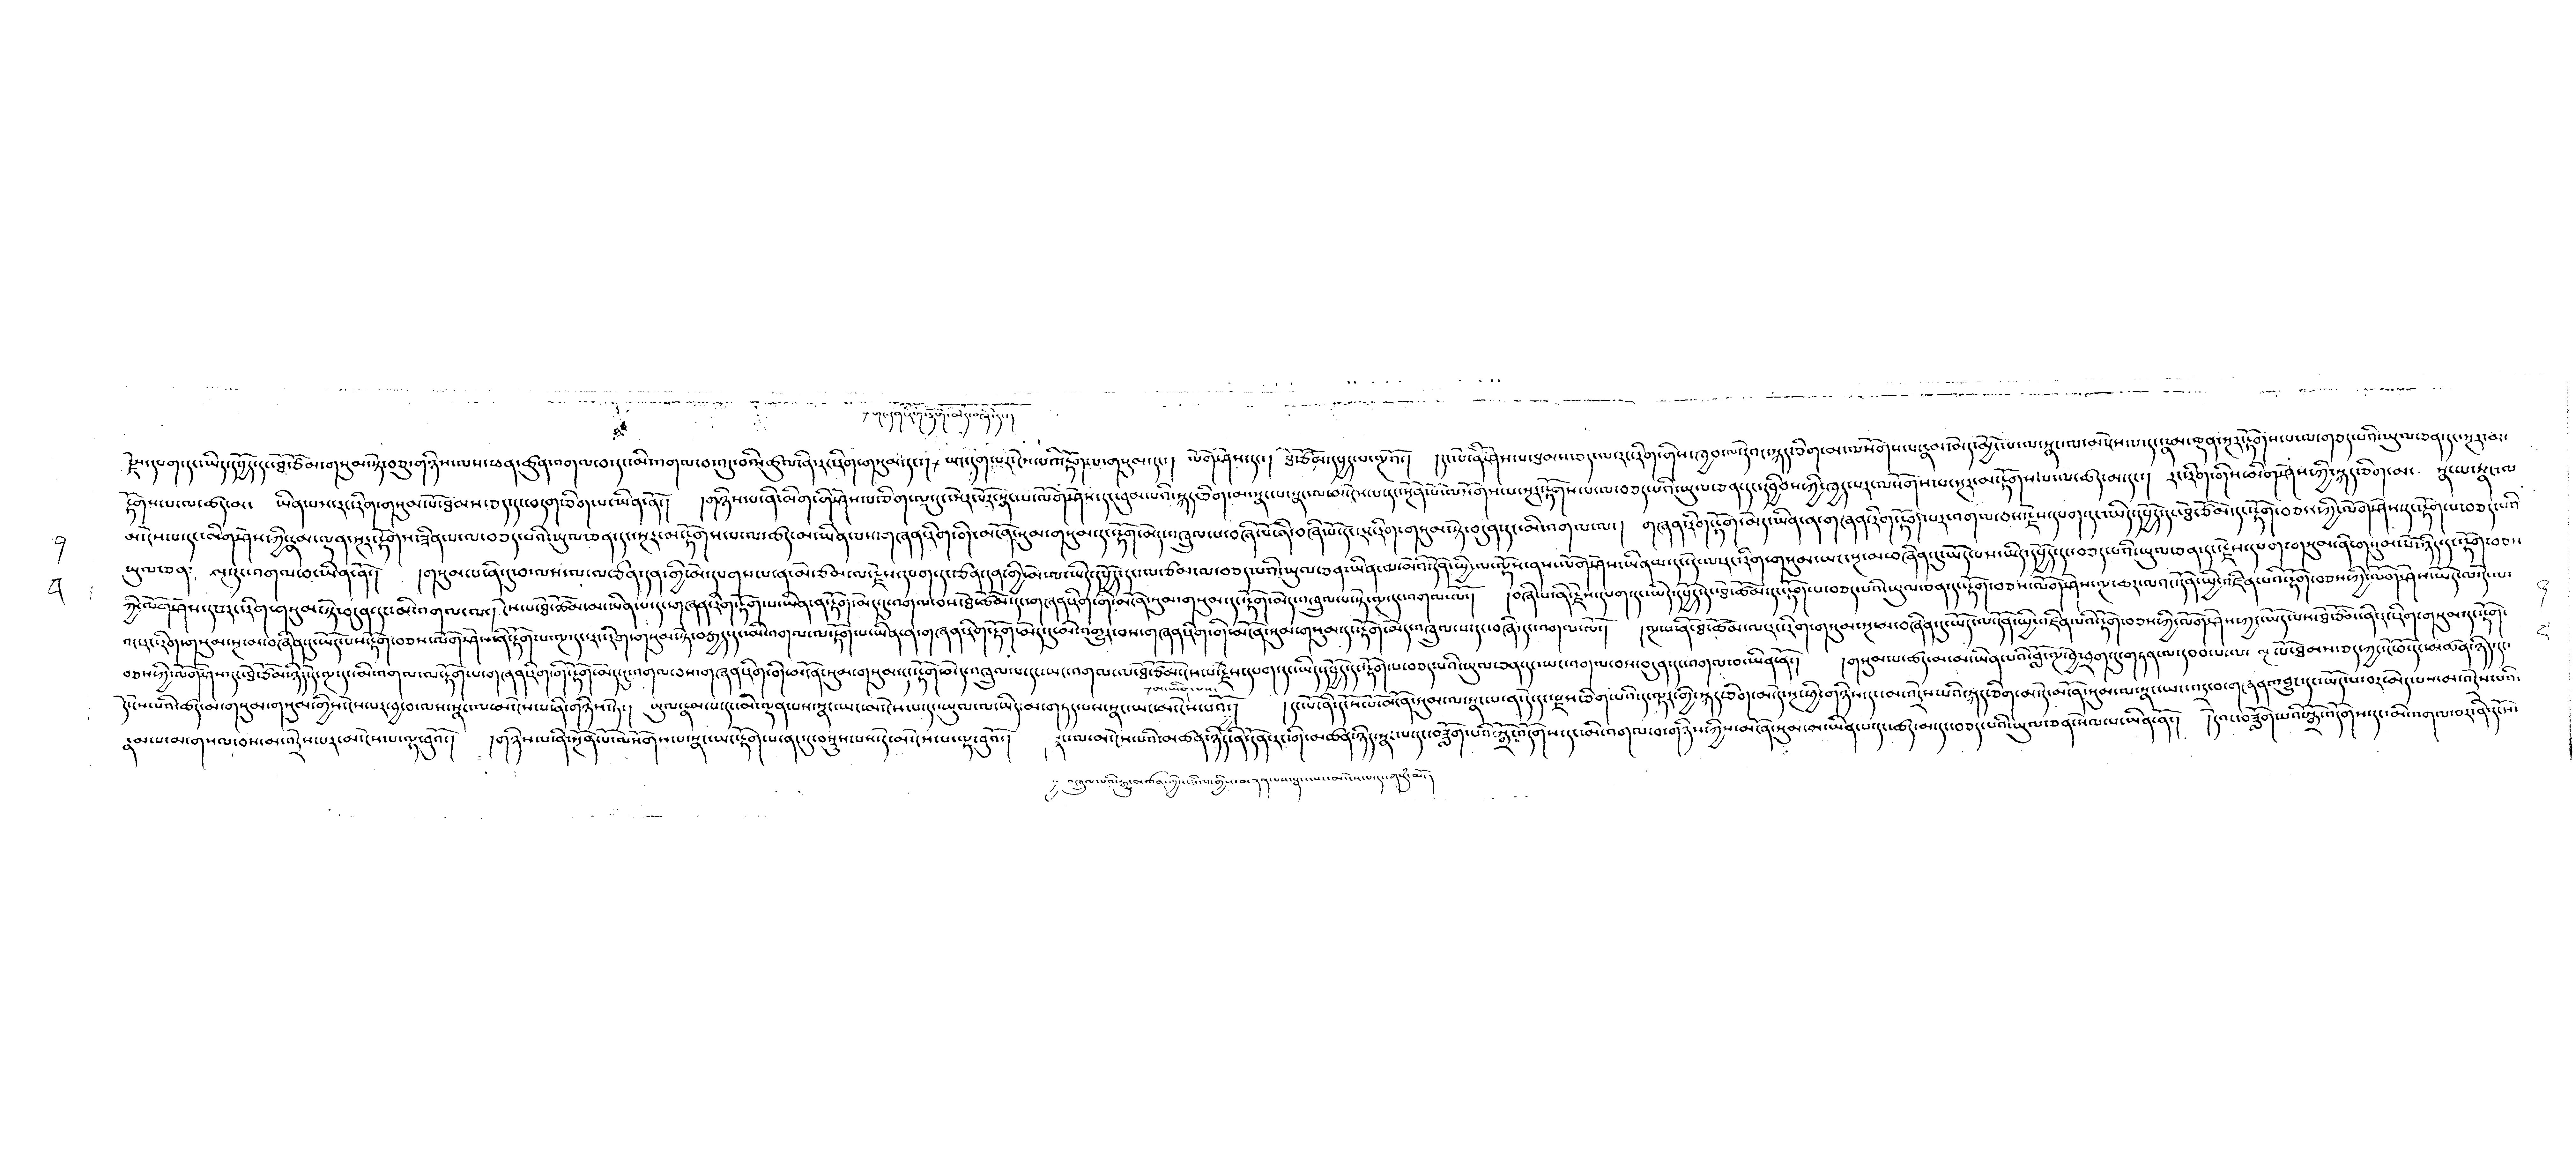རྗེས་དཔག་དང་ཡིད་དཔྱོད་དང་ཐེ་ཙོམ་གསུམ་སྟེ་བཅུ་གཉིས་ལས་ཕན་ཚུན་འགལ་བ་དང་མི་འགལ་བ་འདུ་བའི་ཚུལ་ནི་རང་རིག་གསུམ་དང་། ཡང་དག་པར་ངེས་པའི་རྟོག་པ་གསུམ་དང་། ལོག་ཤེས་དང་། ཐེ་ཚོམ་དཔྱད་པ་ལྔའོ། །དང་པོ་ནི་ཤེས་པ་ཐམས་ཅད་ལ་རང་རིག་གིས་ཁྱབ་ལ་དེའང་སྐད་ཅིག་མ་ལ་སོགས་པ་རྣམ་མེད་མྱོང་པ་ལ་སྣང་ལ་མ་ངེས་པ་དང་རྣམ་ལྡན་སྔར་རྟོགས་པ་ལ་གཅད་པའི་ཡུལ་ཅན་དང་སྔར་མ་
རྟོགས་པ་ལ་ཚད་མ་ཡིན་པས་རང་རིག་གསུམ་པོ་ཐམས་ཅད་དང་བདག་ཅིག་པ་ཡིན་ནོ། །གཉིས་པ་ནི་མིག་གི་ཤེས་པ་ཅིག་ལ་དུང་སེར་པོར་སྣང་པ་ལོག་ཤེས་དང་བུམ་པའི་སྐད་ཅིག་མ་སྣང་པ་སྣང་ལ་མ་ངེས་པ་དང་སྔོན་པོ་ལ་སོགས་པ་སྔར་རྟོགས་པ་ལ་བཅད་པའི་ཡུལ་ཅན་དང་དབྱིབས་ཀྱི་ཁྱད་པར་ལ་སོགས་པ་སྔར་མ་རྟོགས་པ་ལ་ཚད་མ་དང་། རང་རིག་གིས་མིག་ཤེས་ཀྱི་སྐད་ཅིག་མ་སྣ་མ་སྣང་ལ་
མ་ངེས་པ་དང་མིག་ཤེས་ཀྱི་རྣམ་ལྡན་སྔར་རྟོགས་ཟིན་པ་ལ་བཅད་པའི་ཡུལ་ཅན་དང་སྔར་མ་རྟོགས་པ་ལ་ཚད་མ་ཡིན་པས་གཞན་རིག་གི་མངོན་སུམ་གསུམ་དང་རྟོག་མེད་འཁྲུལ་པ་བཞི་པོ་ནི་བཞི་པོ་དང་རང་རིག་གསུམ་སྟེ་བདུན་དང་མི་འགལ་ལ། གཞན་རིག་རྟོག་མེད་ཡིན་ན་གཞན་རིག་རྟོག་པར་འགལ་བས་རྗེས་དཔག་དང་ཡིད་དཔྱོད་དང་ཐེ་ཚོམ་དང་རྟོག་བཅད་ཀྱི་ལོག་ཤེས་དང་རྟོག་པ་བཅད་པའི་
ཡུལ་ཅན་ལྔ་དང་འགལ་བ་ཡིན་ནོ། །གསུམ་པ་ནི་དུ་བ་ལས་ལ་མཚན་དན་གྱི་མེ་དཔགས་པ་ན་མེ་ཙམ་ལ་རྗེས་དཔག་དང་ཙན་དན་གྱི་མེ་ལ་ཡིད་དཔྱོད་དང་ལ་ཙམ་མ་བཅད་པའི་ཡུལ་ཅན་ཡིན་མ་མོའི་དོན་སྤྱི་ལ་ལྟོས་ནས་ལོག་ཤེས་ཡིན་པ་དང་དེ་ལ་རང་རིག་གསུམ་ཡང་སྔ་མ་བཞིན་དུ་ཡོད་པས་ཡིད་དཔྱོད་དང་བཅད་པའི་ཡུལ་ཅན་དང་རྗེས་དཔག་གསུམ་ནི་གསུམ་པོ་ཉིད་དང་རྟོག་བཅས་
ཀྱི་ལོག་ཤེས་དང་རང་རིག་གསུམ་སྟེ་བདུན་དང་མི་འགལ་ལ། ངེས་པ་ཐེ་ཚོམ་མ་ཡིན་པ་དང་གཞན་རིག་རྟོག་པ་ཡིན་ན་རྟོག་མེད་དུ་འགལ་བས་ཐེ་ཚོམ་དང་གཞན་རིག་གི་མངོན་སུམ་གསུམ་དང་རྟོག་མེད་འཁྲུལ་པ་སྟེ་ལྔ་དང་འགལ་ལོ། །བཞི་པ་ནི་རྗེས་དཔག་དང་ཡིད་དཔྱོད་དང་ཐེ་ཚོམ་དང་རྟོག་པ་བཅད་པའི་ཡུལ་ཅན་དང་རྟོག་བཅས་ལོག་ཤེས་ལྔ་ཆར་ལའང་དོན་སྤྱི་འཛིན་པའི་རྟོག་བཅས་ཀྱི་ལོག་ཤེས་ཡོད་ལ་དེ་ལ་
འང་རང་རིག་གསུམ་སྔ་མ་བཞིན་དུ་ཡོད་པས་རྟོག་བཅས་ལོག་ཤེས་ནི་རྟོག་པ་ལྔ་དང་རང་རིག་གསུམ་སྟེ་བརྒྱད་དང་མི་འགལ་ལ་རྟོག་པ་ཡིན་ན་གཞན་རིག་རྟོག་མེད་དུ་མི་འགྱུར་བས་གཞན་རིག་གི་མངོན་སུམ་གསུམ་དང་རྟོག་མེད་འཁྲུལ་པ་དང་བཞི་དང་འགལ་ལོ། །ལྔ་པ་ནི་ཐེ་ཚོམ་ལ་རང་རིག་གསུམ་སྔ་མ་བཞིན་དུ་ཡོད་ལ་དོན་སྤྱི་འཛིན་པའི་རྟོག་བཅས་ཀྱི་ལོག་ཤེས་ཀྱང་ཡོད་པས་ཐེ་ཚོམ་ནི་རང་རིག་གསུམ་དང་རྟོག་
བཅས་ཀྱི་ལོག་ཤེས་དང་ཐེ་ཙོམ་ཉིད་དེ་ལྔ་དང་མི་འགལ་ལ་རྟོག་པ་གཞན་རིག་གི་རྟོག་མེད་དུ་འགལ་བས་གཞན་རིག་གི་མངོན་སུམ་གསུམ་དང་རྟོག་མེད་འཁྲུལ་པ་དང་ཡང་འགལ་ལ་ཐེ་ཚོམ་ངེས་པ་རྗེས་དཔག་དང་ཡིད་དཔྱོད་དང་རྟོག་པ་བཅད་པའི་ཡུལ་ཅན་དང་ཡང་འགལ་བས་བདུན་དང་འགལ་བ་ཡིན་ནོ། །གསུམ་པ་ཚད་མ་མ་ཡིན་པའི་བློ་ལྔ་བྱེ་བྲག་དུ་གཏན་ལ་དབབ་པ་ལ་ལྔ་པོ་ཐམས་ཅད་ཀྱང་ངོ་བོ་དང་མཚན་ཉིད་དང་
དེ་ངེས་པའི་ཚད་མ་གསུམ་གསུམ་གྱིས་ངེས་པར་བྱ་བ་ལས་སྣང་ལ་མ་ངེས་པ་ནི་གཉིས་ཏེ། ཡུལ་རྣམ་པ་དང་མི་ལྡན་པས་སྣང་ཡང་མ་ངེས་པ་དང་ཡུལ་ལ་ཡིད་མ་གཏད་པས་སྣང་ཡང་མ་ངེས་པའོ། །དང་པོ་ནི་དངོས་པོ་མངོན་སུམ་ལ་སྣང་པ་ན་དེ་དང་རྫས་ཅིག་པའི་ད་ལྟར་གྱི་སྐད་ཅིག་མ་དེ་སྔ་ཕྱི་གཉིས་དང་མ་འདྲེས་པའི་སྐད་ཅིག་མ་དེ་མངོན་སུམ་ལ་སྣང་ཡང་འདྲ་བ་གཞན་ལ་བྱུང་དང་ཡོད་པ་བར་མེད་པས་མ་འདྲེས་པའི་
རྣམ་པ་མ་གསལ་བས་མ་འདྲེས་པར་མ་ངེས་པ་ལྟ་བུའོ། །གཉིས་པ་ནི་སྔོན་པོ་ལ་སོགས་པ་སྣང་ཡང་རྟོག་པ་ནང་དུ་བསྡུས་པས་དེ་མ་ངེས་པ་ལྟ་བུའོ། །སྣང་ལ་མ་ངེས་པའི་མཚན་ཉིད་ནི་དོན་རང་གི་མཚན་ཉིད་སྣང་པ་དང་བཟློག་པའི་སྒྲོ་འདོགས་དང་མི་འགལ་བ་གཉིས་ཀྱིས་མངོན་སུམ་མ་ཡིན་པ་དང་ཚད་མ་དང་བཅད་པའི་ཡུལ་ཅན་སེལ་པ་ཡིན་ནོ། །དེའང་བཟློག་པའི་སྒྲོ་འདོགས་དང་མི་འགལ་བར་ནི་དངོས་